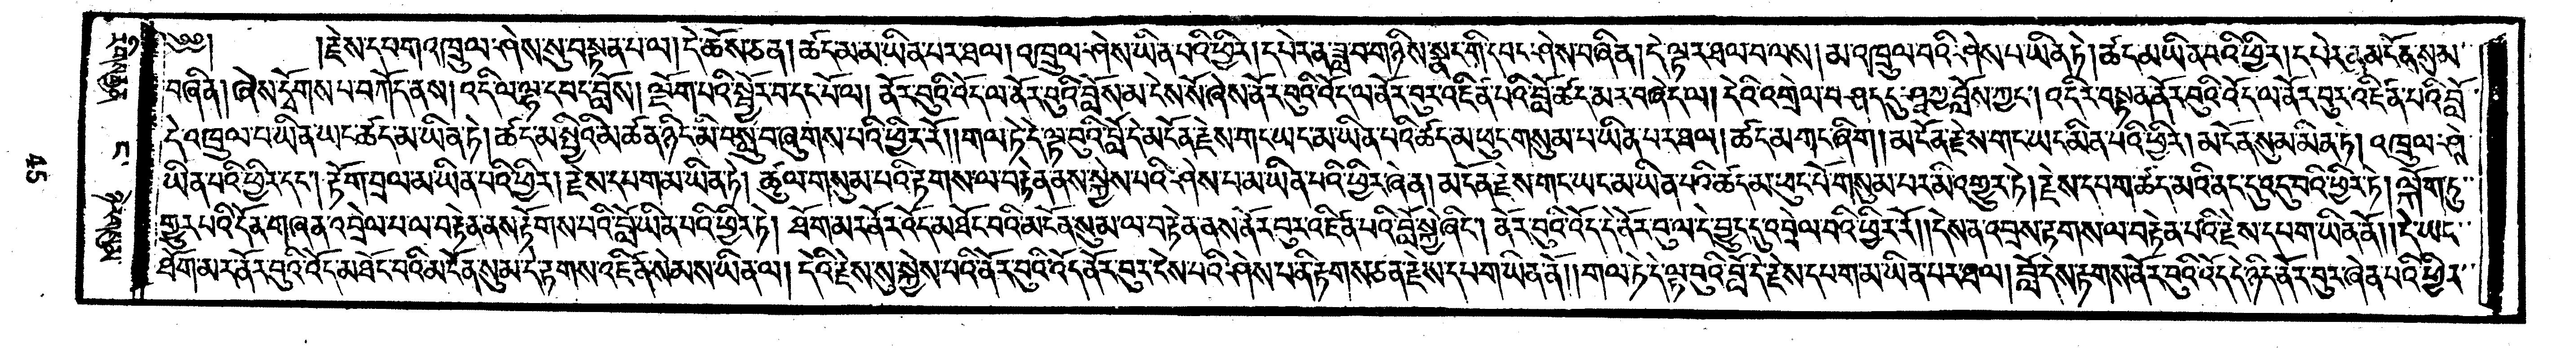༄༅། །རྗེས་དཔག་འཁྲུལ་ཤེས་སུ་བསྟན་པ་ལ། དེ་ཆོས་ཅན། ཚད་མ་མ་ཡིན་པར་ཐལ། འཁྲུལ་ཤེས་ཡིན་པའི་ཕྱིར། དཔེར་ན་ཟླ་བ་གཉིས་སྣང་གི་དབང་ཤེས་བཞིན། དེ་ལྟར་ཐལ་བ་ལས། མ་འཁྲུལ་བའི་ཤེས་པ་ཡིན་ཏེ། ཚད་མ་ཡིན་པའི་ཕྱིར། དཔེར་ན་མངོན་སུམ་
བཞིན། ཞེས་དྭོགས་པ་བཀོད་ནས། འདི་ལ་ལྷ་དབང་བློས། ལྡོག་པའི་སྦྱོར་བ་དང་པོ་ལ། ནོར་བུའི་འོད་ལ་ནོར་བུའི་བློས་མ་ངེས་སོ་ཞེས་ནོར་བུའི་འོད་ལ་ནོར་བུར་འཛིན་པའི་བློ་ཚད་མར་བཞད་ལ། དེའི་འགྲེལ་བཤད་དུ་ཤཱཀྱ་བློས་ཀྱང་། འདིར་བསྟན་ནོར་བུའི་འོད་ལ་ནོར་བུར་འཛིན་པའི་བློ་
དེ་འཁྲུལ་པ་ཡིན་ཡང་ཚད་མ་ཡིན་ཏེ། ཚད་མ་སྤྱིའི་མཚན་ཉིད་མི་བསླུ་བ་ཞུགས་པའི་ཕྱིར་རོ། །གལ་ཏེ་དེ་ལྟ་བུའི་བློ་དེ་མངོན་རྗེས་གང་ཡང་མ་ཡིན་པའི་ཚད་མ་ཕུང་གསུམ་པ་ཡིན་པར་ཐལ། ཚད་མ་གང་ཞིག །མངོན་རྗེས་གང་ཡང་མིན་པའི་ཕྱིར། མངོན་སུམ་མིན་ཏེ། འཁྲུལ་ཤེས་
ཡིན་པའི་ཕྱིར་དང་། རྟོག་བྲལ་མ་ཡིན་པའི་ཕྱིར། རྗེས་དཔག་མ་ཡིན་ཏེ། ཚུལ་གསུམ་པའི་རྟགས་ལ་བརྟེན་ནས་སྐྱེས་པའི་ཤེས་པ་མ་ཡིན་པའི་ཕྱིར་ཞེ་ན། མངོན་རྗེས་གང་ཡང་མ་ཡིན་པའི་ཚད་མ་ཕུང་པོ་གསུམ་པར་མི་འགྱུར་ཏེ། རྗེས་དཔག་ཚད་མའི་ནང་དུ་འདུ་བའི་ཕྱིར་ཏེ། ལྐོག་ཏུ་
གྱུར་པའི་དོན་གཞན་འབྲེལ་པ་ལ་བརྟེན་ནས་རྟོགས་པའི་བློ་ཡིན་པའི་ཕྱིར་ཏེ། ཐོག་མར་ནོར་འོད་མཐོང་བའི་མངོན་སུམ་ལ་བརྟེན་ནས་ནོར་བུར་འཛིན་པའི་བློ་སྐྱེ་ཞིང་། ནོར་བུའི་འོད་དེ་ནོར་བུ་ལ་དེ་བྱུང་དུ་འབྲེལ་པའི་ཕྱིར་རོ། །དེས་ན་འབྲས་རྟགས་ལ་བརྟེན་པའི་རྗེས་དཔག་ཡིན་ནོ། །དེ་ཡང་
ཐོག་མར་ནོར་བུའི་འོད་མཐོང་བའི་མངོན་སུམ་དེ་རྟགས་འཛིན་སེམས་ཡིན་ལ། དེའི་རྗེས་སུ་སྐྱེས་པའི་ནོར་བུའི་འོད་ནོར་བུར་ངེས་པའི་ཤེས་པ་ནི་རྟགས་ཅན་རྗེས་དཔག་ཡིན་ནོ། །གལ་ཏེ་དེ་ལྟ་བུའི་བློ་དེ་རྗེས་དཔག་མ་ཡིན་པར་ཐལ། བློ་དེས་རྟགས་ནོར་བུའི་འོད་དེ་ཉིད་ནོར་བུར་ཞེན་པའི་ཕྱིར།